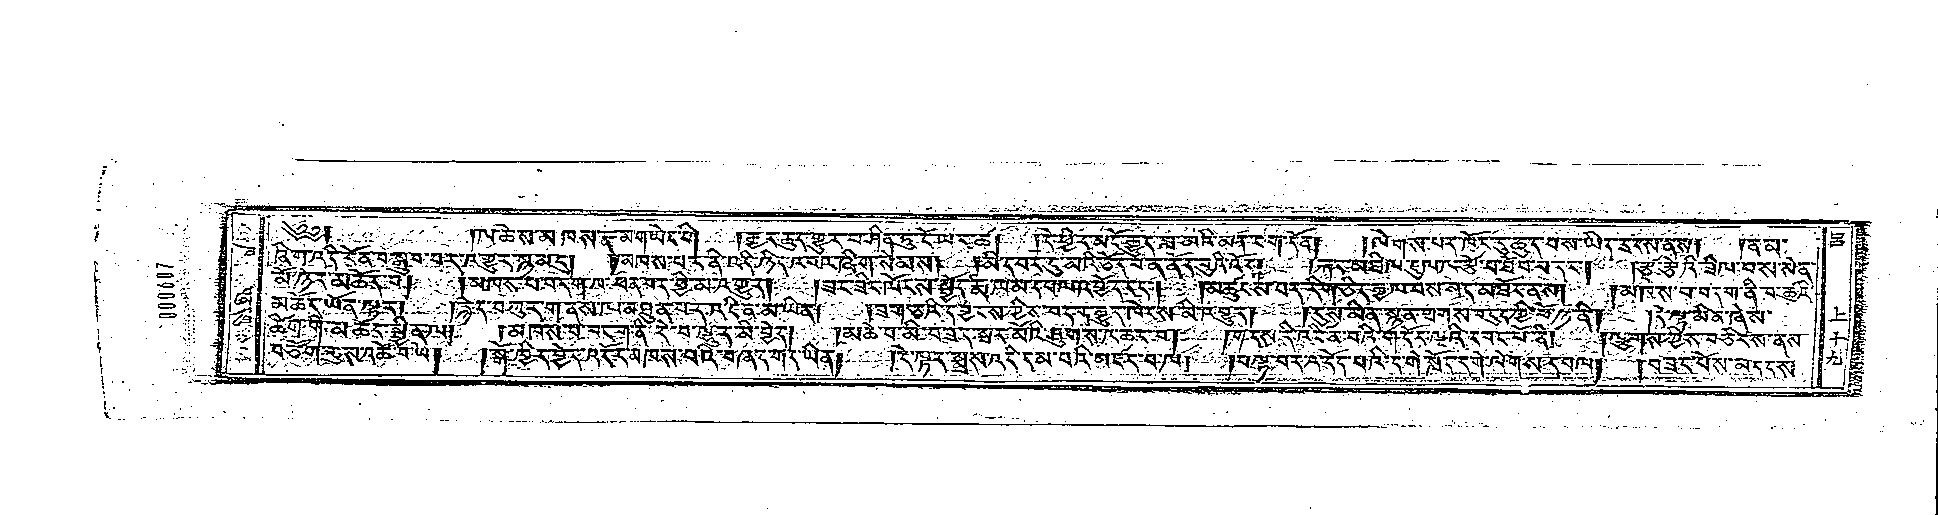༄༅། །ལ་ཆེས་མཁས་རྣམ་གཡེང་གི །རྒྱར་ཆུད་གྱུར་བ་ཤིན་ཏུ་ངོ་ཡང་ཚ། །དེ་ཕྱིར་མདོ་རྒྱུད་བླ་མའི་མན་ངག་དོན། །ལེགས་པར་ཁོང་དུ་ཆུད་པས་ཡིད་དྲངས་ནས། །ནམ་
ཞིག་འདི་དོན་བསྒྲུབ་པར་འགྱུར་སྙམ་དུ། །མཁས་པ་ང་ནི་འདི་ཉིད་འབའ་ཞིག་སེམས། །མི་དབང་དུ་མའི་ཅོད་པན་ནོར་བུའི་འོད། །རྐང་མཐིལ་རྡུལ་ལ་རྩེ་བ་ཐོབ་པ་དང་། །རྩྭ་རྩེའི་ཟིལ་བས་སེན་
མོ་ཉེར་མཆོད་པ། །མཁས་པ་བདག་ལ་ཕན་བར་ཕྱི་མ་འགྱུར། །ཟང་ཟིང་ལོངས་སྤྱོད་རྨི་ལམ་དཔལ་འབྱོར་དང་། །མཚུངས་པར་རིག་ཅིང་རྒྱལ་བས་སང་མཐོང་ནས། །མཁས་པ་བདག་ནི་བ་ཚུའི་
མཆོད་ཡོན་ལྟར། །རྙེད་བཀུར་གནས་ལ་མཐུན་པར་འཛིན་མ་ཡིན། །ཟག་ཅའི་དབྱངས་ཀྱིས་བདག་རྒྱུད་ཁེངས་མི་འབྱུང་། །དུས་མིན་སྙན་གྲགས་བདུད་ཀྱི་ཕོ་ཉ་ནི། །དེ་ལྟ་མིན་ཞེས་
ཚིག་གི་མཆོད་སྦྱིན་ལ། །མཁས་པ་བདག་ནི་རེ་བ་ལྷུར་མི་བྱེད། །མཆེ་བ་མི་བཟད་སྦར་མོའི་ཤུགས་འཆང་བ། །གངས་རི་འཛིན་བའི་གདོང་ལྔའི་དབང་པོ་ནི། །ལྕགས་ཀྱིས་བཅིངས་ནས་
བཙོག་ཆུས་འཚེ་བ་ཡི། །སྒོ་ཁྱིར་བྱེད་འདོད་མཁས་བའི་བཞད་གང་ཡིན། །དེ་ལྟར་སྨྲས་འདི་དམ་པའི་མཛད་བ་ལ། །བལྟ་བར་འདོད་པའི་དགེ་སློང་དགེ་ལེགས་དབལ། །བཟང་པོས་མདངས་